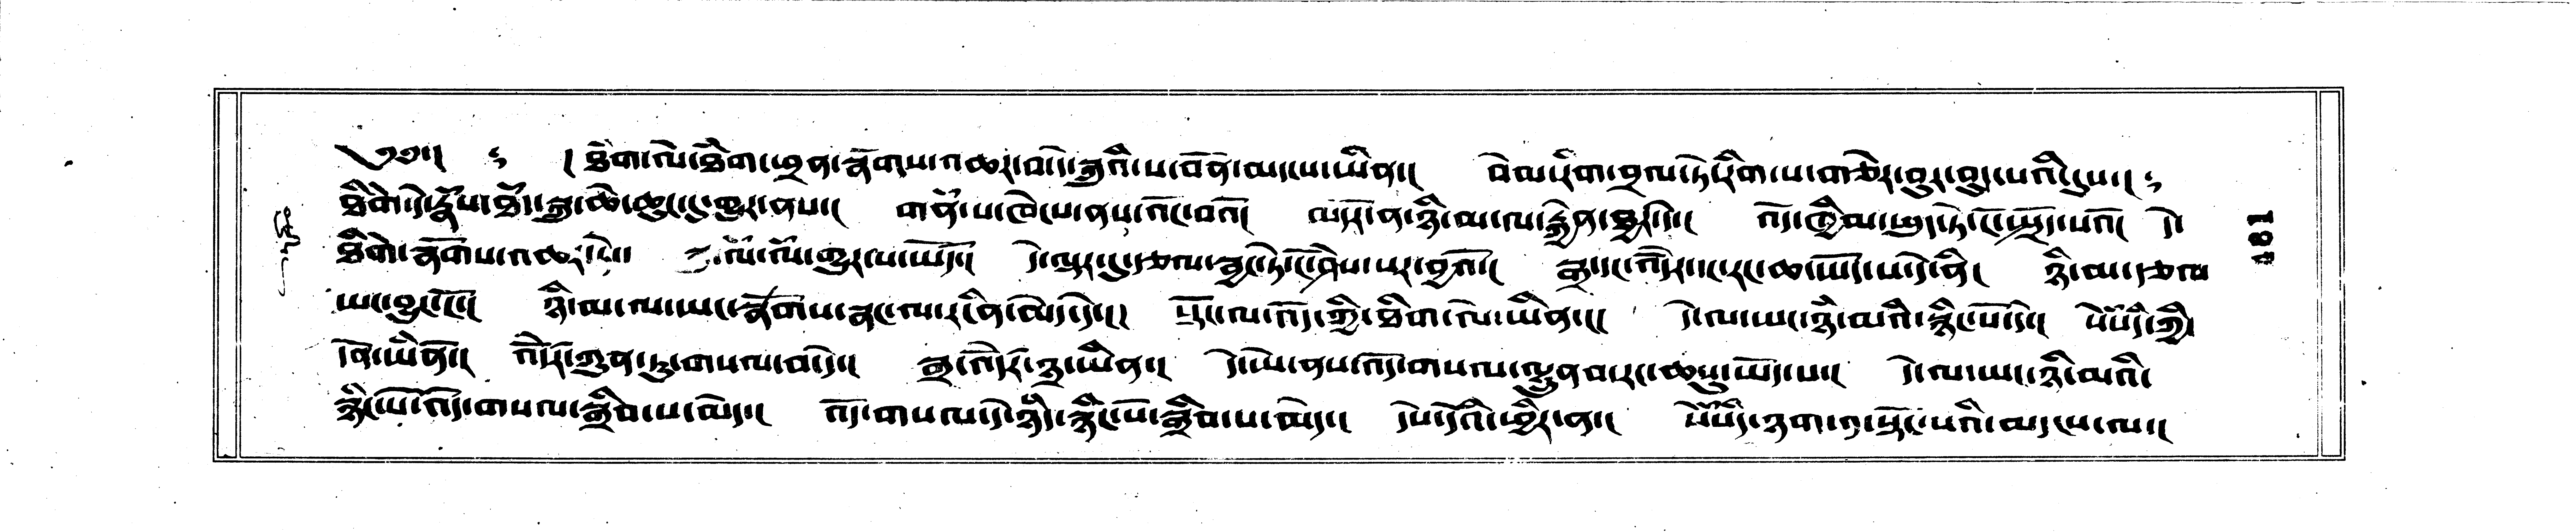ཐིག་ལེ་ཐིག་ཕྲན་སྣ་ཚོགས་འཆར་བ་དེ། སྐུའི་ས་བོན་གདངས་ཡིན། བེམ་རིག་བྲལ་ཏེ་རིག་པ་གཅེར་བུར་བུད་པའི་དུས། 
ཐིག་ལེ་དེ་རྣམས་ཐམས་ཅད་སྐུ་ཆེ་ཆུང་དུ་གྱུར་ནས། གནམ་ས་ཁེང་ནས་འོང་པའོ། མདོར་ན་ཉི་མ་ལ་རྐྱེན་སྦྱར་ཏེ། འོད་ཁྱིམ་ཕུག་དུ་ངོ་སྤྲད་པའོ། དེ་
ཐིག་ལེ་སྣ་ཚོགས་འཆར་ཏེ། སྐུ་ལམ་ལམ་གྱུར་པའོ་ཡོད་དོ། དེ་ལྟར་དུ་རྩལ་སྦྱངས་ཏེ་ངོ་ཤེས་པར་བྱའོ། སྒྲ་དང་འོད་དང་ཟེར་དང་གསུམ་རང་ཆས་སུ་ཡོད་པའི་དཔེ་ནི། ཉི་མ་ལ་བཙལ་
ཡང་འབྱུང་ངོ་། ཉི་མ་ལ་ཡང་སྣང་ལ་རང་བཞིན་མེད་སྟེ། སྟོང་པ་འོད་ཀྱིས་ཐིག་ལེ་ཡིན། དེ་ལ་ཉི་མའི་སྙིང་པོ་དེ། སེམས་ཉིད་ཀྱི་
དོན་ཡིན་ལ། འོད་ཟེར་ཀུན་དུ་གསལ་བ་དེ། སྒྲ་འོད་ཟེར་གསུམ་ཡིན། དེ་ཡེ་ནས་འོད་གསལ་ལྷུན་གྲུབ་རང་ཆས་སུ་ཡོད་པ་ཡིན་པས། 
ཉི་མའི་སྙིང་པོས་འོད་གསལ་བསྒྲུབ་པ་མེན། འོད་གསལ་དེས་ཉི་མའི་སྙིང་པོ་བསྒྲུབ་པ་མེན། དཔེ་དེའི་ཕྱིར་ཞེ་ན། སེམས་ཉིད་ཉག་ཅིག་སྟོང་པའི་གདངས་ལ།